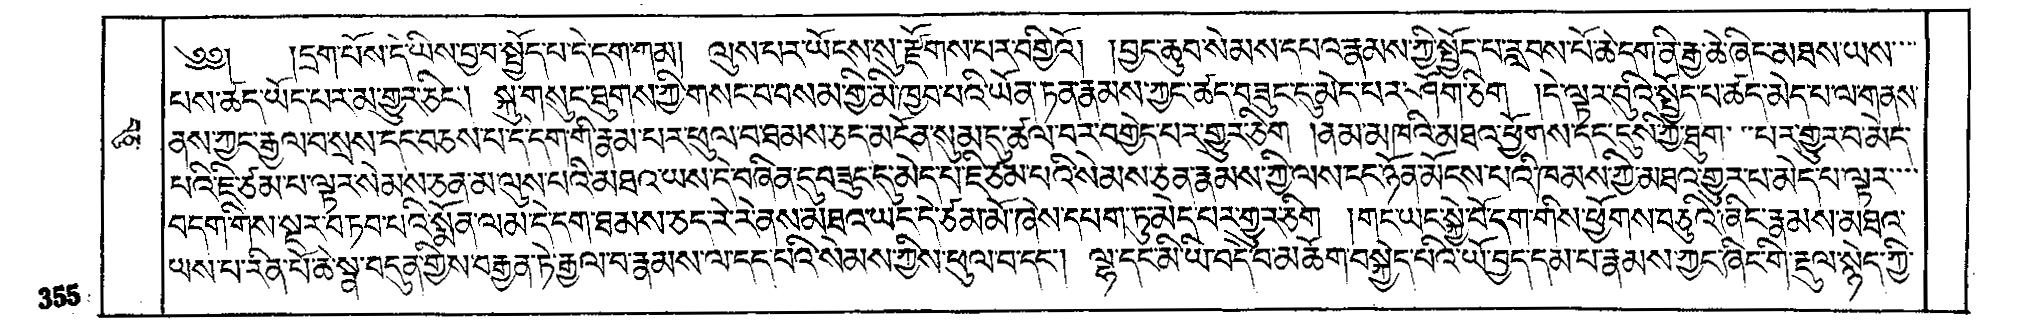༄༅། །དྲག་པོས་དེ་ཡིས་བྱ་བ་སྤྱོད་པ་དེ་དག་གམ། ལུས་པར་ཡོངས་སུ་རྫོགས་པར་བགྱིའོ། །བྱང་ཆུབ་སེམས་དཔའ་རྣམས་ཀྱི་སྤྱོད་པ་རླབས་པོ་ཆེ་དག་ནི་རྒྱ་ཆེ་ཞིང་མཐས་ཡས་
པས་ཚད་ཡོད་པར་མ་གྱུར་ཅིང་། སྐུ་གསུང་ཐུགས་ཀྱི་གསང་བ་བསམ་གྱི་མི་ཁྱབ་པའི་ཡོན་ཏན་རྣམས་ཀྱང་ཚད་བཟུང་དུ་མེད་པར་ཤོག་ཅིག །དེ་ལྟར་བུའི་སྤྱོད་པ་ཚད་མེད་པ་ལ་གནས་
ནས་ཀྱང་རྒྱལ་བ་སྲས་དང་བཅས་པ་དེ་དག་གི་རྣམ་པར་ཕུལ་བ་ཐམས་ཅད་མངོན་སུམ་དུ་ཚལ་བར་བགྱེད་པར་གྱུར་ཅིག །ནམ་མཁའི་མཐའ་ཕྱོགས་དང་དུས་ཀྱི་ཐུག་པར་གྱུར་བ་མེད་
པའི་ཇི་ཙམ་པ་ལྟར་སེམས་ཅན་མ་ལུས་པའི་མཐའ་ཡས་དེ་བཞིན་དུ་བཟུང་དུ་མེད་པ་ཇི་ཙམ་པའི་སེམས་ཅན་རྣམས་ཀྱི་ལས་དང་ཉོན་མོངས་པའི་ཁམས་ཀྱི་མཐའ་གྱུར་པ་མེད་པ་ལྟར་
བདག་གིས་སྔར་བཏབ་པའི་སྨོན་ལམ་དེ་དག་ཐམས་ཅད་རེ་རེ་ནས་མཐའ་ཡང་དེ་ཙམ་མོ་ཞེས་དཔག་ཏུ་མེད་པར་གྱུར་ཅིག །གང་ཡང་སྐྱེ་བོ་དག་གིས་ཕྱོགས་བཅུའི་ཞིང་རྣམས་མཐའ་
ཡས་པ་རིན་པོ་ཆེ་སྣ་བདུན་གྱིས་བརྒྱན་ཏེ་རྒྱལ་བ་རྣམས་ལ་དད་པའི་སེམས་ཀྱིས་ཕུལ་བ་དང་། ལྷ་དང་མི་ཡི་བདེ་བ་མཆོག་བསྐྱེད་པའི་ཡོ་བྱད་དམ་པ་རྣམས་ཀྱང་ཞིང་གི་རྡུལ་སྙེད་ཀྱི་